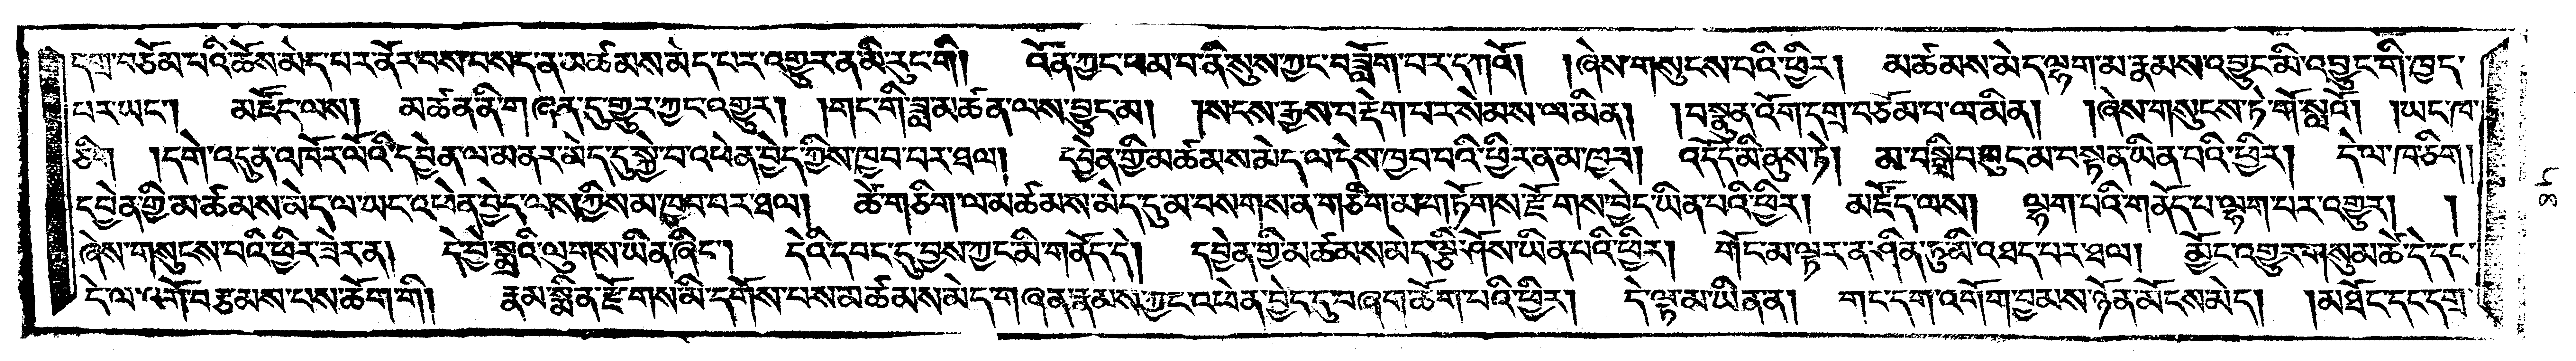དགྲ་བཅོམ་པའི་ཆོས་མེད་པར་ནོར་བས་བསད་ན་མཚམས་མེད་པར་འགྱུར་ན་མི་རུང་གི། འོན་ཀྱང་ཕམ་པ་ནི་སུས་ཀྱང་བཟློག་པར་དཀའོ། །ཞེས་གསུངས་པའི་ཕྱིར། མཚམས་མེད་ལྷག་མ་རྣམས་འབྱུང་མི་འབྱུང་གི་ཁྱད་
པར་ཡང་། མཛོད་ལས། མཚན་ནི་གཞན་དུ་གྱུར་ཀྱང་འགྱུར། །གང་གི་ཟླ་མཚན་ལས་བྱུང་མ། །སངས་རྒྱས་བརྡེག་པར་སེམས་ལ་མིན། །བསྣུན་འོག་དགྲ་བཅོམ་པ་ལ་མིན། །ཞེས་གསུངས་ཏེ་གོ་སླའོ། །ཡང་ཁ་
ཅིག །དགེ་འདུན་འཁོར་ལོའི་དབྱེན་ལ་མནར་མེད་དུ་སྐྱེ་བ་འཕེན་བྱེད་ཀྱིས་ཁྱབ་པར་ཐལ། དབྱེན་གྱི་མཚམས་མེད་ལ་དེས་ཁྱབ་པའི་ཕྱིར་ན་མ་ཁྱབ། འདོད་མི་ནུས་ཏེ། མ་བསྒྲིབ་ལུང་མ་བསྟན་ཡིན་པའི་ཕྱིར། དེ་ལ་ཁ་ཅིག།
དབྱེན་གྱི་མཚམས་མེད་ལ་ཡང་འཕེན་བྱེད་ལས་ཀྱིས་མ་ཁྱབ་པར་ཐལ། ཚེ་གཅིག་ལ་མཚམས་མེད་དུ་མ་བསགས་ན་གཅིག་མ་གཏོགས་རྫོགས་བྱེད་ཡིན་པའི་ཕྱིར། མཛོད་ལས། ལྷག་པའི་གནོད་པ་ལྷག་པར་འགྱུར། །
ཞེས་གསུངས་པའི་ཕྱིར་ཟེར་ན། དེ་བྱེ་སྨྲའི་ལུགས་ཡིན་ཞིང་། དེའི་དབང་དུ་བྱས་ཀྱང་མི་གནོད་དེ། དབྱེན་གྱི་མཚམས་མེད་ལྕི་ཤོས་ཡིན་པའི་ཕྱིར། གོང་མ་ལྟར་ན་ཤིན་ཏུ་མི་འཐད་པར་ཐལ། མྱོང་འགྱུར་གསུམ་ཚེ་དེ་དང་
དེ་ལ་འགོ་བརྩམས་པས་ཆོག་གི། རྣམ་སྨིན་རྫོགས་མི་དགོས་པས་མཚམས་མེད་གཞན་རྣམས་ཀྱང་འཕེན་བྱེད་དུ་བཞག་ཆོག་པའི་ཕྱིར། དེ་ལྟ་མ་ཡིན་ན། གང་དག་འགོག་བྱམས་ཉོན་མོངས་མེད། །མཐོང་དང་དགྲ་